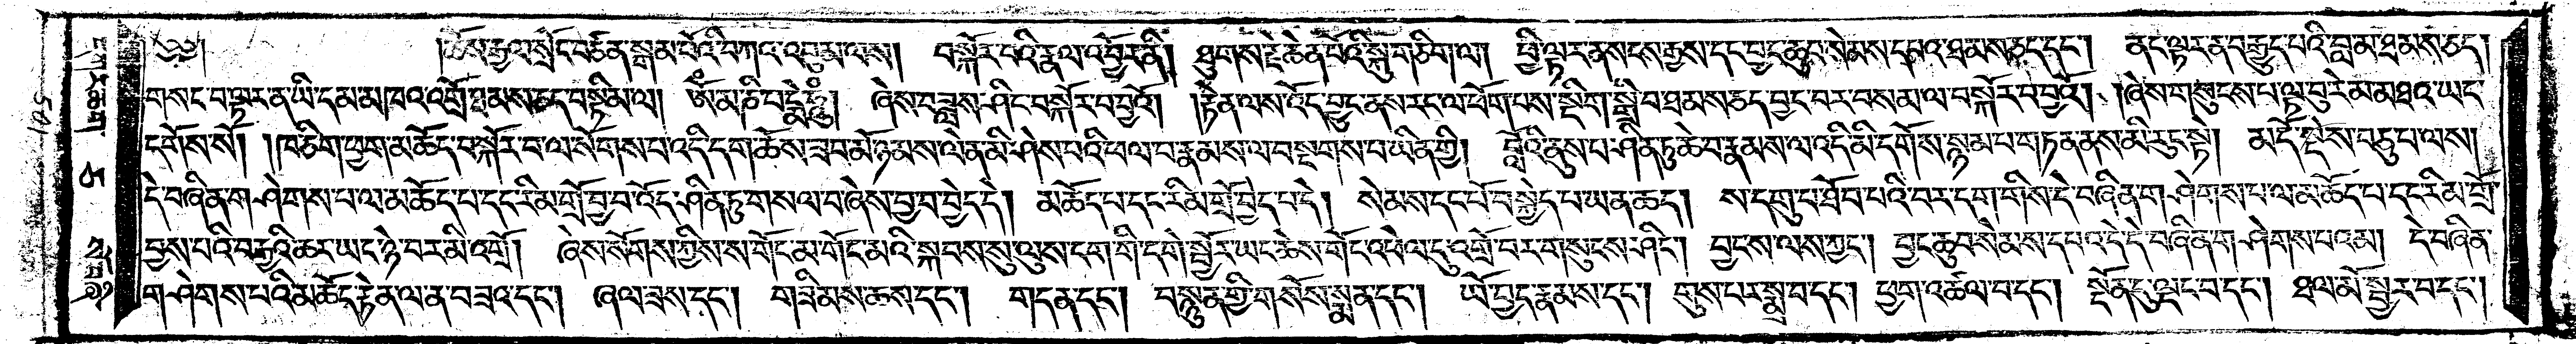༄༅། །ཆོས་རྒྱལ་སྲོང་བཙན་སྒམ་པོའི་བཀའ་འབུམ་ལས། བསྐོར་བའི་རྣལ་འབྱོར་ནི། ཐུགས་རྗེ་ཆེན་པོའི་སྐུ་གཅིག་ལ། ཕྱི་ལྟར་ནས་སངས་རྒྱས་དང་བྱང་ཆུབ་སེམས་དཔའ་ཐམས་ཅད་དང་། ནང་ལྟར་ནད་རྒྱུད་བའི་བླ་མ་ཐམས་ཅད།
གསང་བ་ལྟར་ན་ཡིད་དམ་མཁའ་འགྲོ་ཐམས་ཅད་བསྟིམ་ལ། ཨོཾ་མ་ཎི་པདམེ་ཧཱུཾ། ཞེས་བཟླས་ཤིང་བསྐོར་བ་བྱའོ། །རྟེན་ལས་འོད་བྱུང་ནས་རང་ལ་ཕོག་བས་སྡིག་སྒྲིབ་ཐམས་ཅད་བྱང་བར་བསམ་ལ་བསྐོར་བ་བྱའོ། །ཞེས་གསུངས་པ་ལྟ་བུ་རེ་མ་མཐའ་ཡང་
དགོས་སོ། །ཁ་ཅིག་ཕྱག་མཆོད་བསྐོར་བ་ལ་སོགས་བ་འདི་དག་ཆོས་ཟབ་མོ་ཉམས་ལེན་མི་ཤེས་བའི་ཕལ་བ་རྣམས་ལ་བསྔགས་བ་ཡིན་གྱི། བློའི་ནུས་པ་ཤིན་ཏུ་ཆེ་བ་རྣམས་ལ་འདི་མི་དགོས་སྙམ་པ་གཏན་ནས་མི་རུང་སྟེ། མདོ་སྡེས་བཅུ་པ་ལས།
དེ་བཞིན་གཤེགས་པ་ལ་མཆོད་བ་དང་རིམ་གྲོ་བྱ་བ་འོད་ཤིན་ཏུ་གསལ་བ་ཞེས་བྱ་བ་བྱེད་དེ། མཆོད་པ་དང་རིམ་གྲོ་བྱེད་བ་དེ། སེམས་དང་པོ་བསྐྱེད་པ་ཡན་ཆད། ས་དགུ་པ་ཐོབ་པའི་བར་དག་གིས་དེ་བཞིན་གཤེགས་པ་ལ་མཆོད་པ་དང་རིམ་པྲོ་
བྱས་བའི་བརྒྱའི་ཆར་ཡང་ཉེ་བར་མི་འགྲོ། ཞེས་སོགས་ཀྱིས་ས་གོང་མ་གོང་མའི་སྐབས་སུ་ལུས་ངག་གི་དགེ་སྦྱོར་ཡང་ཆེས་གོང་འཕེལ་དུ་འགྲོ་བར་གསུངས་ཤིང་། བྱངས་ལས་ཀྱང་། བྱང་ཆུབ་སེམས་དཔའ་དེ་དེ་བཞིན་གཤེགས་བའམ། དེ་བཞིན་
གཤེགས་པའི་མཆོད་རྟེན་ལ་ན་བཟའ་དང་། ཞལ་ཟས་དང་། གཟིམས་ཆས་དང་། གདན་དང་། བསྙུན་གྱི་གསོས་སྨན་དང་། ཡོ་བྱད་རྣམས་དང་། གུས་པར་སྨྲ་བ་དང་། ཕྱག་འཚལ་བ་དང་། སྔོན་དུ་ལྔང་བ་དང་། ཐལ་མོ་སྦྱར་བ་དང་།